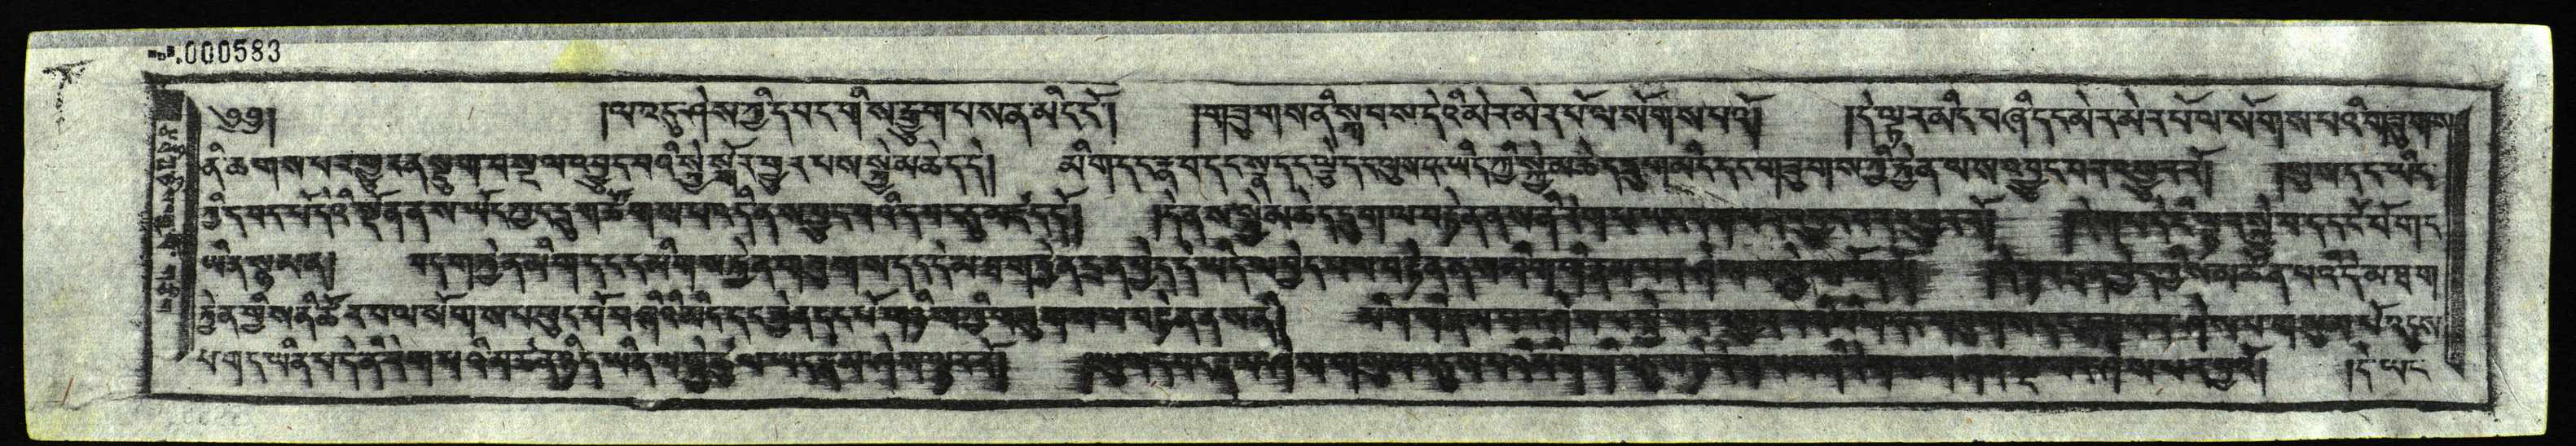༄༅། །ལ་འདུ་ཤེས་ཀྱི་དབང་གིས་རྒྱུག་པས་ན་མིང་ངོ། །གཟུགས་ནི་སྐབས་དེའི་མེར་མེར་པོ་ལ་སོགས་པའོ། །དེ་ལྟར་མིང་བཞི་དང་མེར་མེར་པོ་ལ་སོགས་པའི་གཟུགས་
ནི་ཆགས་པར་གྱུར་ན་སྡུག་བསྔལ་འབྱུང་བའི་སྐྱེ་སྒོར་གྱུར་བས་སྐྱེ་མཆེད་དེ། མིག་དང་རྣ་བ་དང་སྣ་དང་ལྕེ་དང་ལུས་དང་ཡིད་ཀྱི་སྐྱེ་མཆེད་ཟུག་མིང་དང་གཟུགས་ཀྱི་རྐྱེན་ལས་འབྱུང་བར་འགྱུར་རོ། །ལུས་དང་ཡིད་
ཀྱི་དབང་པོ་དེའི་སྔོན་ནས་ཡོད་ཀྱང་དྲུག་ཚོགས་པ་འདི་ནས་བྱུང་བའི་དབང་དུ་མཛད་དོ། །དེ་ནས་སྐྱེ་མཆེད་དྲུག་ལས་བརྟེན་ནས་ནི་རེག་པ་ཡང་དག་པར་འབྱུང་བར་འགྱུར་རོ། །རེག་པ་དེ་ཇི་ལྟར་སྐྱེ་བ་དང་ངོ་བོ་གང་
ཡིན་སྙམ་ན། བདག་རྐྱེན་མིག་དང་དམིགས་རྐྱེན་གཟུགས་དང་དེ་མ་ཐག་རྐྱེན་དྲན་བྱེད་དེ་ཡིན་ལ་བྱེད་པས་བརྟེན་ནས་མིག་གི་རྣམ་པར་ཤེས་པ་སྐྱེ་བ་ཁོ་ནའོ། །དེ་ལྟར་དྲན་བྱེད་ཀྱིས་མཚོན་པའི་དེ་མ་ཐག་
རྐྱེན་གྱིས་ནི་ཚོར་བ་ལ་སོགས་པ་ཕུང་པོ་བཞིའི་མེད་དང་རྐྱེན་དང་པོ་གཉིས་ཀྱི་གཟུགས་ལ་བརྟེན་ནས་ནི། མིག་གི་རྣམ་པར་ཤེས་པ་སྐྱེས་བར་འགྱུར་པའི་ཡིག་དང་གཟུགས་དང་རྣམ་པར་ཤེས་པ་གསུམ་པོ་འདུས་
པ་གང་ཡིན་པ་དེ་ནི་རེག་པའི་མཚན་ཉིད་ཡིན་ལ་སྐྱེ་ཚུལ་ཡང་རྣམ་ཤེས་ལྟར་རོ། །ལུས་དབང་རྣམ་ཤེས་གསུམ་འདུས་པའི་མིག་གི་འདུས་ཏེ་རེག་པ་ལ་ནི་སྲེགས?་གཞན་སྔ་པར་ཤེས་པར་བྱའོ། །དེ་ཡང་